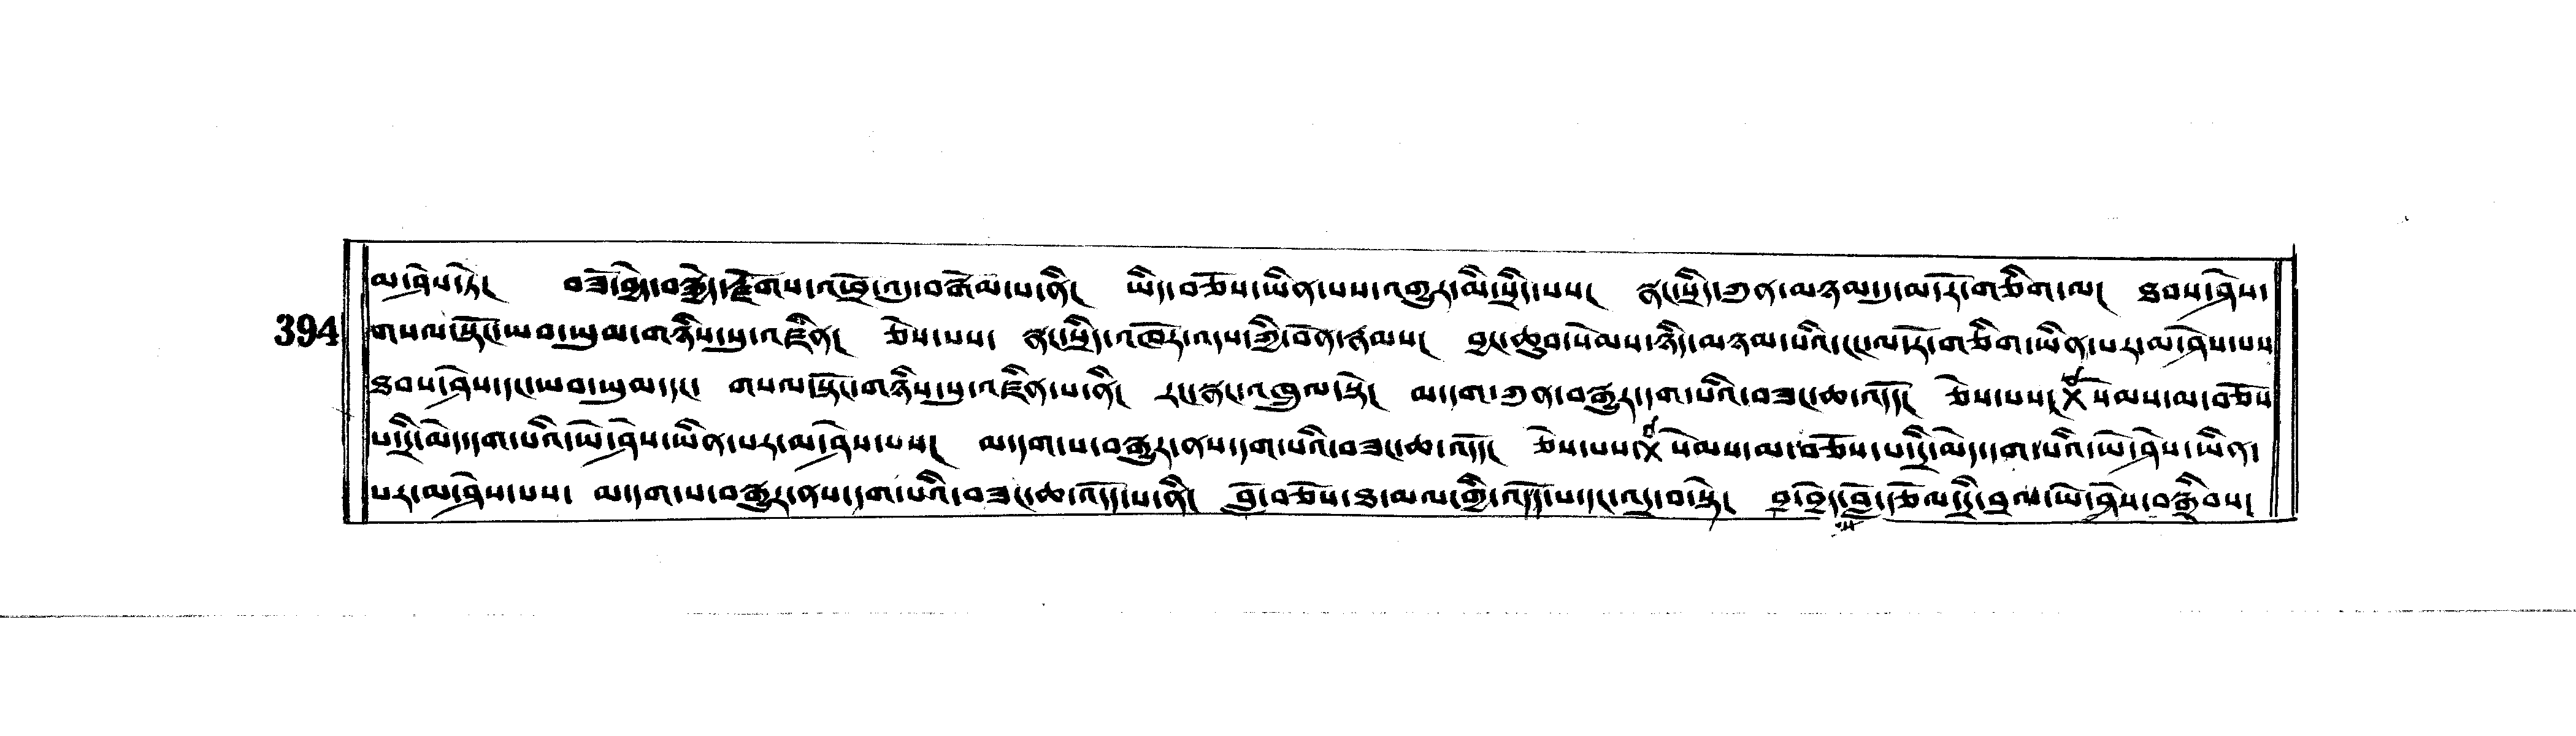མ་ཤེས་ཏེ། བཟོ་བྱེད་བསྐྱེད་རྫོགས་འཕྲོ་འདུ་བསྒོམ་པ་ནི། ཡིད་བཅོས་ཡིན་པས་འགྱུར་མི་སྲིད་པས། སྣང་སྲིད་ཀུན་མཉམ་དུ་མ་རོ་གཅིག་ལ། ཐབས་ཤེས་
གསལ་སྟོང་ཡབ་ཡུམ་གཉིས་སུ་འཛིན། ཅེས་པས། སྣང་སྲིད་འཁོར་འདས་ཀྱི་བོན་རྣམས། བྱང་ཆུབ་སེམས་ཉིད་མཉམ་པའི་ངང་ལ་རོ་གཅིག་ཡིན་པ་མ་ཤེས་པས་
ཐབས་ཤེས་དང་ཡབ་ཡུམ་དང་། གསལ་སྟོང་གཉིས་སུ་འཛིན་པ་ནི། རང་སྣང་འཁྲུལ་སྟེ། མ་དག་ཀུན་སྒྱུར་དག་པའི་བཟང་ཆ་འདོད། ཅེས་པས། སེམས་མ་བཅོས་
པ་དྲི་མེད་དག་པའི་ཡེ་ཤེས་ཡིན་པར་མ་ཤེས་པས། མ་དག་པ་བསྒྱུར་ནས་དག་པའི་བཟང་ཆ་འདོད་པ་ནི། 
པར་མ་ཤེས་པས། མ་དག་པ་བསྒྱུར་ནས་དག་པའི་བཟང་ཆ་འདོད་པ་ནི། བློ་བཅོས་ཐ་མལ་གྱི་འདོད་པ་དང་འདྲ་བ་སྟེ། བྱ་བྱེད་དང་བློ་རྩོལ་དྲི་བྲལ་ཡེ་ཤེས་བསྒྲིབས་